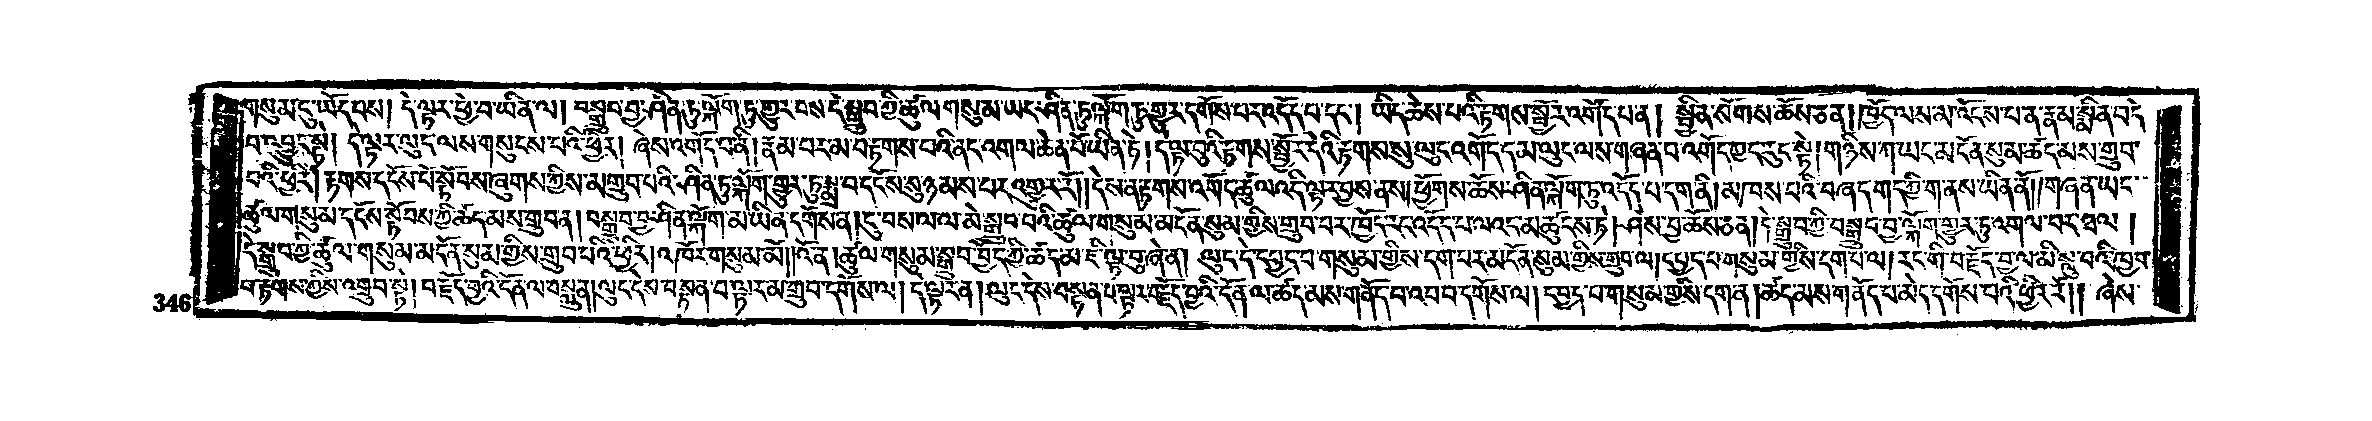གསུམ་དུ་ཡོད་པས། དེ་ལྟར་ཕྱེ་བ་ཡིན་ལ། བསྒྲུབ་བྱ་ཤིན་ཏུ་ལྐོག་ཏུ་གྱུར་བས་དེ་སྒྲུབ་ཀྱི་ཚུལ་གསུམ་ཡང་ཤིན་ཏུ་ལྐོག་ཏུ་གྱུར་དགོས་པར་འདོད་པ་དང་། ཡིད་ཆེས་པའི་རྟགས་སྦྱོར་འགོད་པ་ན། སྦྱིན་སོགས་ཆོས་ཅན། ཁྱོད་ལས་མ་འོངས་པ་ན་རྣམ་སྨིན་བདེ་
བ་འབྱུང་སྟེ། དེ་ལྟར་ལུང་ལས་གསུངས་པའི་ཕྱིར། ཞེས་འགོད་པ་ནི། རྣམ་པར་མ་བརྟགས་པའི་ནང་འགལ་ཆེན་པོ་ཡིན་ཏེ། དེ་ལྟ་བུའི་རྟགས་སྦྱོར་དེའི་རྟགས་སུ་ལུང་འགོད་དམ་ལུང་ལས་གཞན་པ་འགོད་ཀྱང་རུང་སྟེ། གཉིས་ཀ་ཡང་མངོན་སུམ་ཚད་མས་གྲུབ་
པའི་ཕྱིར། རྟགས་དངོས་པོ་སྟོབས་ཞུགས་ཀྱིས་མ་གྲུབ་པའི་ཤིན་ཏུ་ལྐོག་གྱུར་ཏུ་སྨྲ་བ་དངོས་སུ་ཉམས་པར་འགྱུར་རོ། །དེས་ན་རྟགས་འགོད་ཚུལ་འདི་ལྟར་བྱས་ནས། ཕྱོགས་ཆོས་ཤིན་ལྐོག་ཏུ་འདོད་པ་དག་ནི། མཁས་པའི་བཞད་གད་ཀྱི་གནས་ཡིན་ནོ། །གཞན་ཡང་
ཚུལ་གསུམ་དངོས་སྟོབས་ཀྱི་ཚད་མས་གྲུབ་ན། བསྒྲུབ་བྱ་ཤིན་ལྐོག་མ་ཡིན་དགོས་ན། དུ་བས་ལ་ལ་མེ་སྒྲུབ་པའི་ཚུལ་གསུམ་མངོན་སུམ་གྱིས་གྲུབ་པར་ཁྱོད་རང་འདོད་པ་ལའང་མཚུངས་ཏེ། ཤེས་བྱ་ཆོས་ཅན། དེ་སྒྲུབ་ཀྱི་བསྒྲུབ་བྱ་ལྐོག་གྱུར་ཏུ་འགལ་བར་ཐལ།
དེ་སྒྲུབ་ཀྱི་ཚུལ་གསུམ་མངོན་སུམ་གྱིས་གྲུབ་པའི་ཕྱིར། འཁོར་གསུམ་མོ། །འོ་ན། ཚུལ་གསུམ་སྒྲུབ་བྱེད་ཀྱི་ཚད་མ་ཇི་ལྟ་བུ་ཞེ་ན། ལུང་དེ་དཔྱད་པ་གསུམ་གྱིས་དག་པར་མངོན་སུམ་གྱིས་གྲུབ་ལ། དཔྱད་པ་གསུམ་གྱིས་དག་པ་ལ། རང་གི་བརྗོད་བྱ་ལ་མི་སླུ་བའི་ཁྱབ་
པ་རྟགས་ཀྱིས་འགྲུབ་སྟེ། བརྗོད་བྱའི་དོན་ལ་བསླུ་ན། ལུང་དེས་བསྟན་པ་ལྟར་མ་གྲུབ་དགོས་ལ། དེ་ལྟར་ན། ལུང་དེས་བསྟན་པ་ལྟར་བརྗོད་བྱའི་དོན་ལ་ཚད་མས་གནོད་པ་འབབ་དགོས་ལ། དཔྱད་པ་གསུམ་གྱིས་དག་ན། ཚད་མས་གནོད་པ་མེད་དགོས་པའི་ཕྱིར་རོ།། ཞེས་